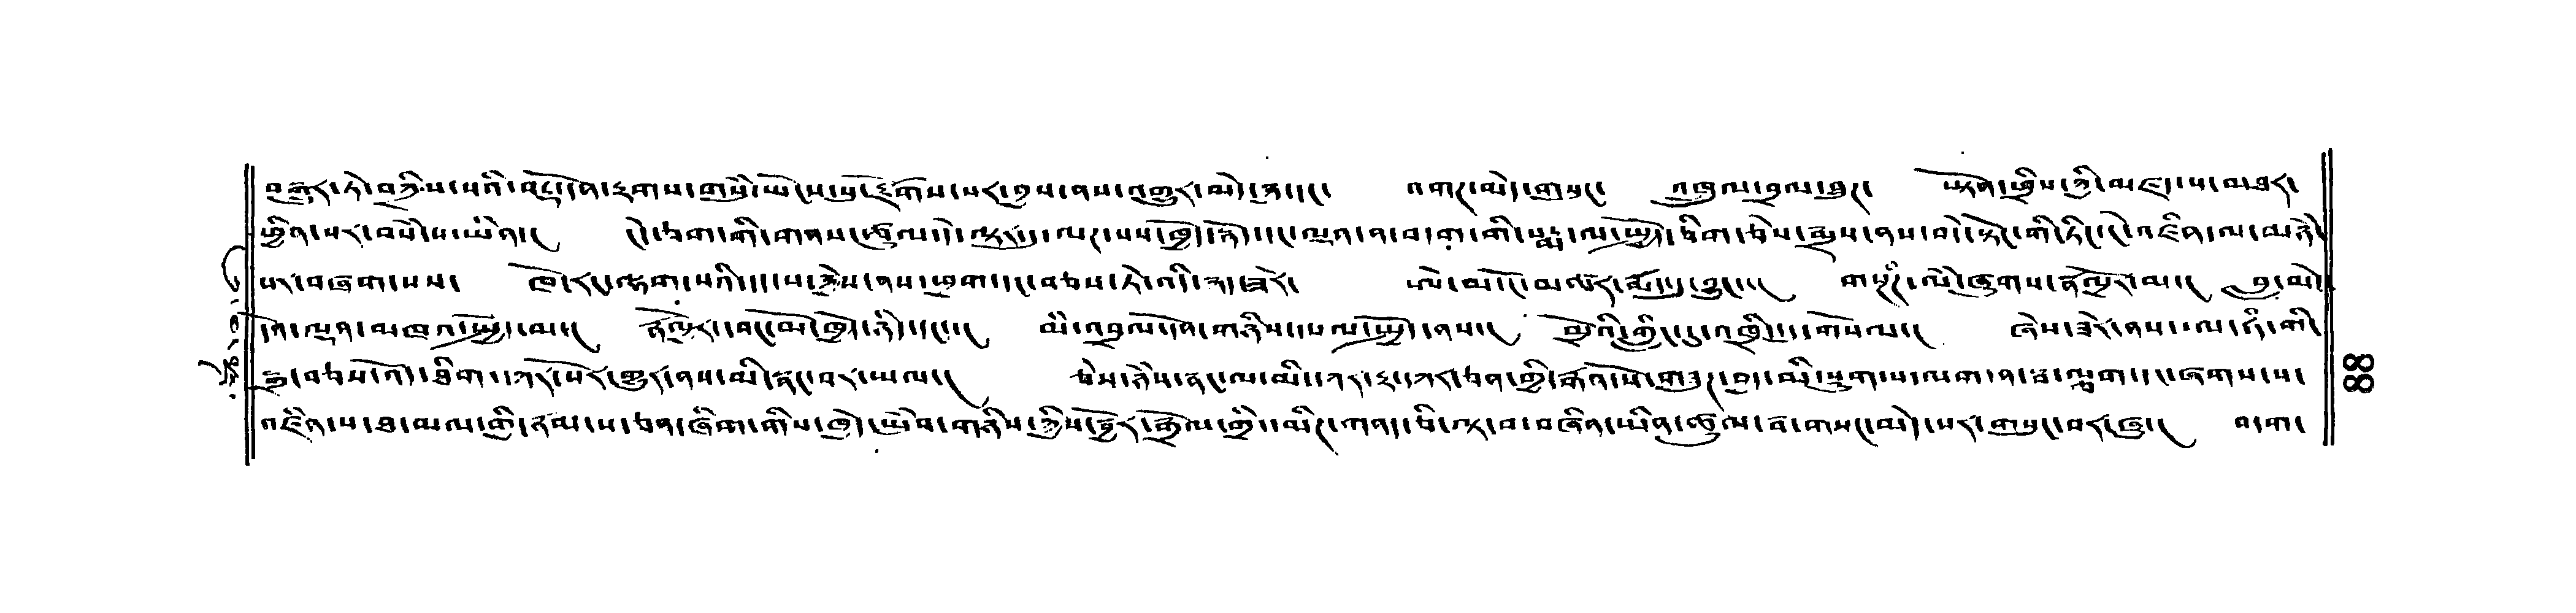བསྒྱུར་ཏེ་བཀྲ་ཤིས་པའི་བརྡ་དོན་རྟགས་གསུམ་ཡོངས་སུ་རྫོགས་པར་བྱས་ནས་འགྱུར་མེད་སྐུ་དང་། འགག་མེད་གསུང་། འཁྲུལ་བྲལ་ཐུགས། ཡོན་ཏན་ཕྲིན་ལས་ཀྱི་མཛད་པ་མཐར་
ཕྱིན་པར་བསམ་པ་ཡིན། ངེད་ཅག་གི་གནས་ཚུལ་དེ་ལྟར་དུ་ལགས་པས་ཁྱོད་སྣོད་དང་ལྡན་ན་བདག་གི་པདྨ་ལ་སྤྱོད་ཅིག་ཅེས་སྨྲས་ནས་བདེ་སྟོང་གི་ཏིང་ངེ་འཛིན་ལ་མཉམ་
པར་བཞག་པས། ཁོ་རང་ལྷག་པའི་དད་པ་སྐྱེས་ནས་ཕྱག་དང་བཅས་ཏེ་འདི་སྐད་ཟེར། ཨེ་མ་ངོ་མཚར་རྨད་དུ་བྱུང་། །གསང་སྔགས་ལམ་ཞུགས་རྣལ་འབྱོར་མ། །བླ་མེད་
དོན་ལྡན་མཁའ་སྤྱོད་མ། །རྣལ་འབྱོར་དབང་མོ་ཁྱོད་ཉིད་དང་། །མི་འབྲལ་དོན་གཉིས་དཔལ་སྤྱོད་ནས། །མཁའ་འགྲོའི་གླིང་དུ་འཁྲིད་དུ་གསོལ།ཞེས་ཟེར་ནས་ཨ་ཧཾ་གི་
སྒྲ་བཅས་འོད་ཐིག་དཀར་པོར་གྱུར་ནས་མི་སྣང་བར་ཡལ། ཅེས་ཉམས་སྣང་ལ་མི་དཀར་རྟ་དཀར་ཅན་གྱི་རྒན་པོ་གཟུགས་བྱད་མི་སྡུག་པ་ལག་ན་སྦ་ལྕག་དང་ཞགས་པ་
འཛིན་པ་ཐ་མས་གྱི་རྣམ་པ་ཅན་ཞིག་གིས་ཁྱེད་ཡབ་ཡུམ་གཉིས་ཀྱིས་སྦྱོར་སྒྲོལ་གྱི་དམིགས་གནས་ཅི་ལྟ་བ་བཞིན་ཡིན་ཚུལ་སྦ་གསང་མེད་པར་གསུང་བར་ཞུ། བདག་